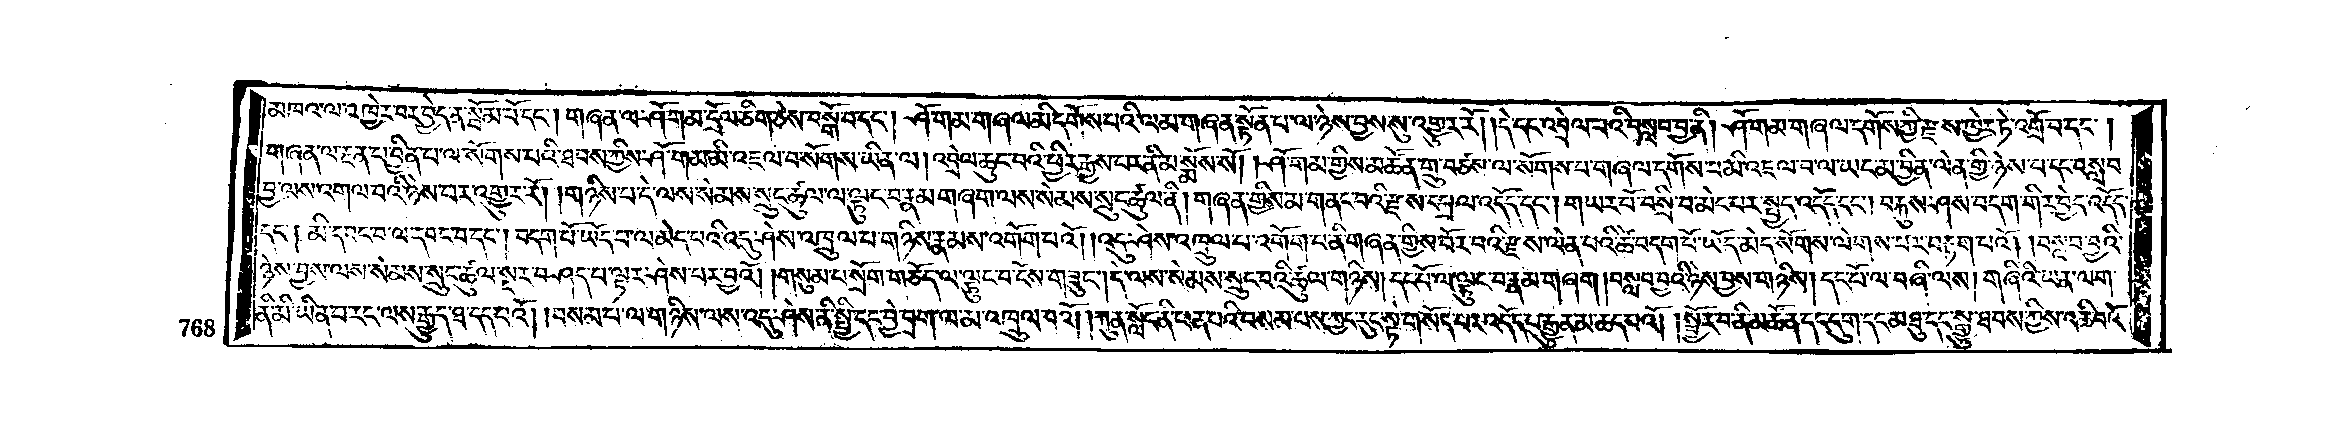མཁའ་ལ་འཁྱེར་བར་བྱེད་ན་སྦོམ་པོ་དང་། གཞན་ལ་ཤོ་གམ་དྲོལ་ཅིག་ཅེས་བསྒོ་བ་དང་། ཤོ་གམ་གཞལ་མི་དགོས་པའི་ལམ་གཞན་སྟོན་པ་ལ་ཉེས་བྱས་སུ་འགྱུར་རོ། །དེ་དང་འབྲེལ་བའི་བསླབ་བྱ་ནི། ཤོ་གམ་གཞལ་དགོས་ཀྱི་རྫས་ཁྱེར་ཏེ་འགྲོ་བ་དང་།
གཞན་ལ་རྔན་པ་བྱིན་པ་ལ་སོགས་པའི་ཐབས་ཀྱིས་ཤོ་གམ་མི་འཇལ་བ་སོགས་ཡིན་ལ། འབྲེལ་ཆུང་བའི་ཕྱིར་རྒྱས་པར་ནི་མ་སྨོས་སོ། །ཤོ་གམ་གྱིས་མཚོན་གྲུ་བཙས་ལ་སོགས་པ་གཞལ་དགོས་པ་མི་འཇལ་བ་ལ་ཡང་མ་བྱིན་ལེན་གྱི་ཉེས་པ་དང་བསླབ་
བྱ་ལས་འགལ་བའི་ཉེས་པར་འགྱུར་རོ། །གཉིས་པ་དེ་ལས་སེམས་སྲུང་ཚུལ་ལ་ལྟུང་བ་རྣམ་གཞག་ལས་སེམས་སྲུང་ཚུལ་ནི། གཞན་གྱིས་མ་གནང་བའི་རྫས་དཔྲལ་འདོད་དང་། གཡར་པོ་བསྲི་བ་མེད་པར་སྤྱད་འདོད་དང་། བརྐུས་ཤས་བདག་གིར་བྱེད་འདོད་
དང་། མི་དབང་བ་ལ་དབང་བ་དང་། བདག་པོ་ཡོད་པ་ལ་མེད་པའི་འདུ་ཤེས་འཁྲུལ་པ་གཉིས་རྣམས་འགོག་པའོ། །འདུ་ཤེས་འཁྲུལ་པ་འགོག་པ་ནི་གཞན་གྱིས་བོར་བའི་རྫས་ལེན་པའི་ཚེ་བདག་པོ་ཡོད་མེད་སོགས་ལེགས་པར་བརྟག་པའོ། །བསླབ་བྱའི་
ཉེས་བྱས་ལས་སེམས་སྲུང་ཚུལ་སྔར་བཤད་པ་ལྟར་ཤེས་པར་བྱའོ། །གསུམ་པ་སྲོག་གཅོད་ལ་ལྟུང་བ་ངོས་གཟུང་། དེ་ལས་སེམས་སྲུང་བའི་ཚུལ་གཉིས། དང་པོ་ལ་ལྟུང་བ་རྣམ་གཞག །བསླབ་བྱའི་ཉེས་བྱས་གཉིས། དང་པོ་ལ་བཞི་ལས། གཞིའི་ཡན་ལག་
ནི་མི་ཡིན་པ་རང་ལས་རྒྱུད་ཐ་དད་པའོ། །བསམ་པ་ལ་གཉིས་ལས་འདུ་ཤེས་ནི་སྤྱི་དང་བྱེ་བྲག་ལ་མ་འཁྲུལ་བའོ། །ཀུན་སློང་ནི་ཕན་པའི་བསམ་པས་ཀྱང་རུང་སྟེ་གསོད་པར་འདོད་པ་རྒྱུན་མ་ཆད་པའོ། །སྦྱོར་བ་ནི་མཚོན་དང་དུག་དང་མཐུ་དང་སྒྱུ་ཐབས་ཀྱིས་འཆི་བའོ་